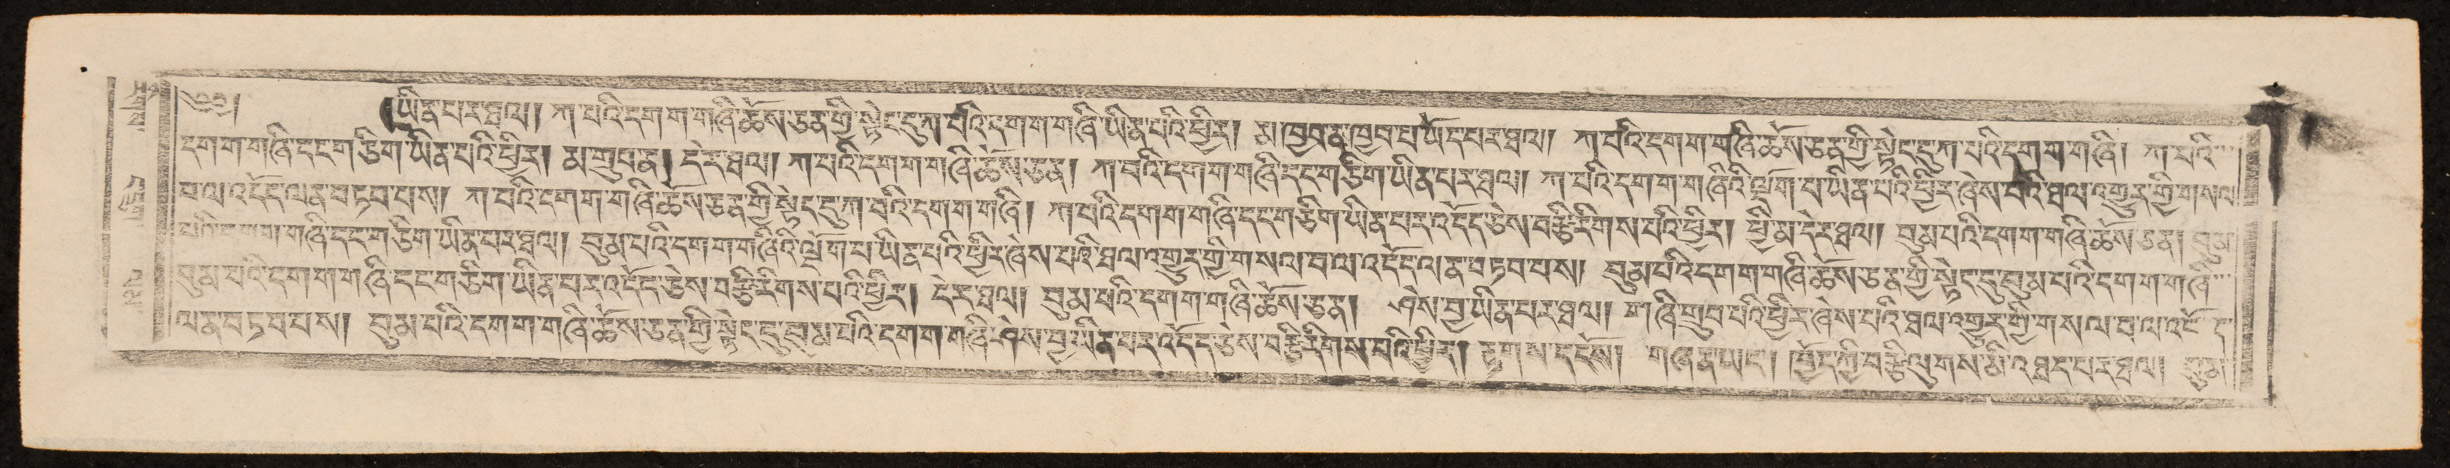༄༅། །ཡིན་པར་ཐལ། ཀ་བའི་དགག་གཞི་ཆོས་ཅན་གྱི་སྟེང་དུ་ཀ་བའི་དགག་གཞི་ཡིན་པའི་ཕྱིར། མ་ཁྱབ་ན་ཁྱབ་པ་ཡོད་པར་ཐལ། ཀ་བའི་དགག་གཞི་ཆོས་ཅན་གྱི་སྟེང་དུ་ཀ་བའི་དགག་གཞི། ཀ་བའི་
དགག་གཞི་དང་གཅིག་ཡིན་པའི་ཕྱིར། མ་གྲུབ་ན། དེར་ཐལ། ཀ་བའི་དགག་གཞི་ཆོས་ཅན། ཀ་བའི་དགག་གཞི་དང་གཅིག་ཡིན་པར་ཐལ། ཀ་བའི་དགག་གཞིའི་ལྡོག་པ་ཡིན་པའི་ཕྱིར་ཞེས་པའི་ཐལ་འགྱུར་གྱི་གསལ་
བ་ལ་འདོད་ལན་བཏབ་པས། ཀ་བའི་དགག་གཞི་ཆོས་ཅན་གྱི་སྟེང་དུ་ཀ་བའི་དགག་གཞི། ཀ་བའི་དགག་གཞི་དང་གཅིག་ཡིན་པར་འདོད་ཅེས་བརྩི་རིགས་པའི་ཕྱིར། ཕྱི་མ་དེར་ཐལ། བུམ་པའི་དགག་གཞི་ཆོས་ཅན། བུམ་
པའི་དགག་གཞི་དང་གཅིག་ཡིན་པར་ཐལ། བུམ་པའི་དགག་གཞིའི་ལྡོག་པ་ཡིན་པའི་ཕྱིར་ཞེས་པའི་ཐལ་འགྱུར་གྱི་གསལ་བ་ལ་འདོད་ལན་བཏབ་པས། བུམ་པའི་དགག་གཞི་ཆོས་ཅན་གྱི་སྟེང་དུ་བུམ་པའི་དགག་གཞི།
བུམ་པའི་དགག་གཞི་དང་གཅིག་ཡིན་པར་འདོད་ཅེས་བརྩི་རིགས་པའི་ཕྱིར། དེར་ཐལ། བུམ་པའི་དགག་གཞི་ཆོས་ཅན། ཤེས་བྱ་ཡིན་པར་ཐལ། གཞི་གྲུབ་པའི་ཕྱིར་ཞེས་པའི་ཐལ་འགྱུར་གྱི་གསལ་བ་ལ་འདོད་
ལན་བཏབ་པས། བུམ་པའི་དགག་གཞི་ཆོས་ཅན་གྱི་སྟེང་དུ་བུམ་པའི་དགག་གཞི་ཤེས་བྱ་ཡིན་པར་འདོད་ཅེས་བརྩི་རིགས་པའི་ཕྱིར། རྟགས་དངོས། གཞན་ཡང་། ཁྱོད་ཀྱི་བརྩི་ལུགས་མི་འཐད་པར་ཐལ། བུམ་